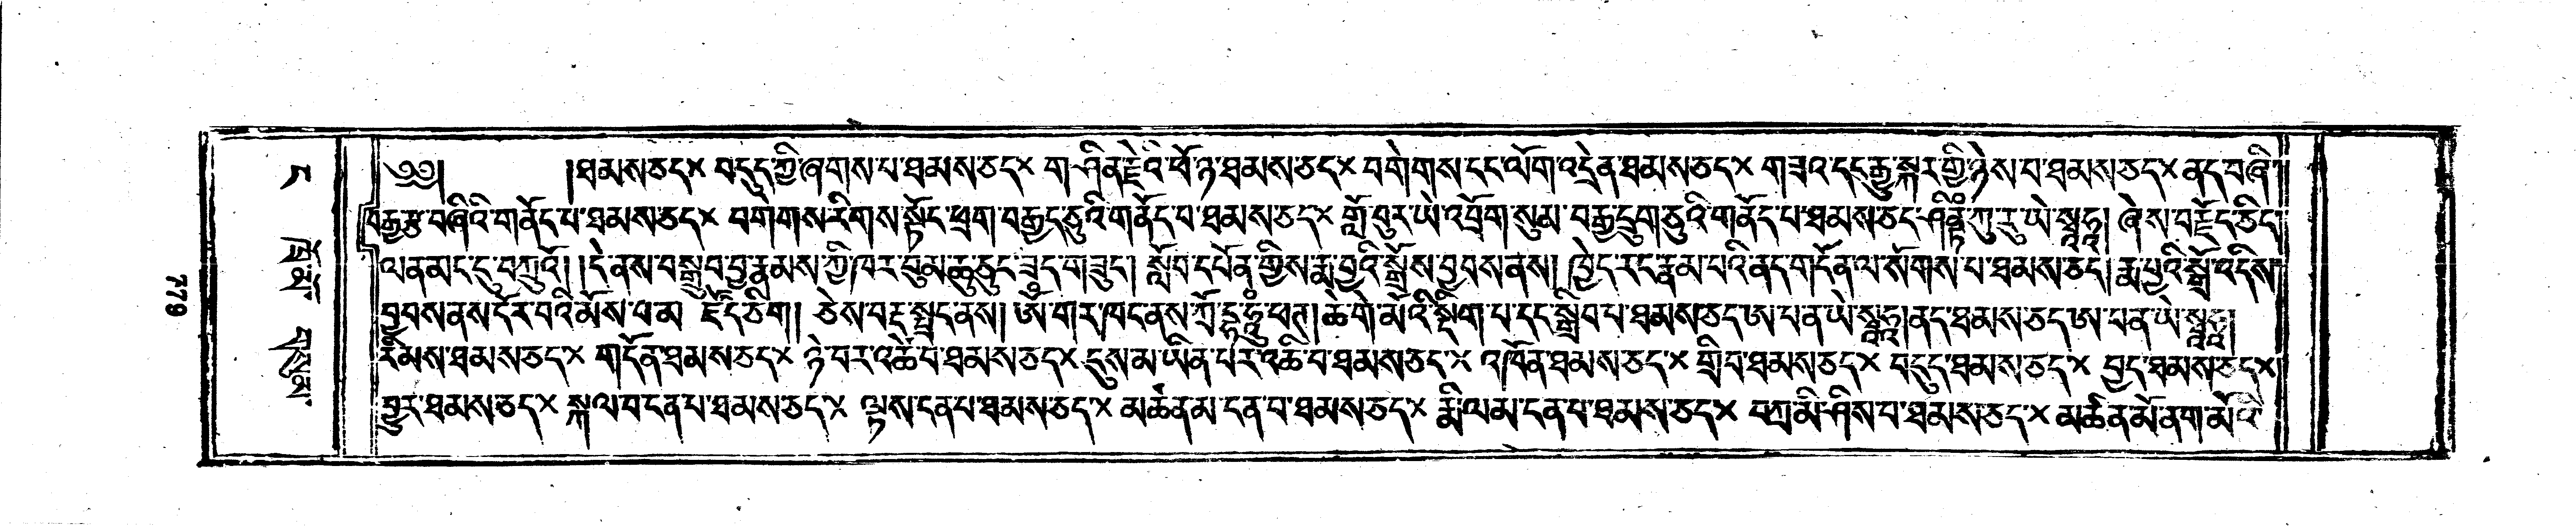༄༅། །ཐམས་ཅད་྾་བདུད་ཀྱི་ཞགས་པ་ཐམས་ཅད་྾་གཤིན་རྗེའི་ཕོ་ཉ་ཐམས་ཅད་྾་བགེགས་དང་ལོག་འདྲེན་ཐམས་ཅད་྾་གཟའ་དང་རྒྱུ་སྐར་གྱི་ཉེས་པ་ཐམས་ཅད་྾་ནད་བཞི་
བརྒྱ་རྩ་བཞིའི་གནོད་པ་ཐམས་ཅད་྾་བགེགས་རིགས་སྟོང་ཕྲག་བརྒྱད་ཅུའི་གནོད་པ་ཐམས་ཅད་྾་གློ་བུར་ཡེ་འབྲོག་སུམ་བརྒྱ་དྲུག་ཅུའི་གནོད་པ་ཐམས་ཅད་ཤིནྟཾ་ཀུ་རུ་ཡེ་སྭཱཧཱ། ཞེས་བརྗོད་ཅིང་
ལན་མང་དུ་བཀྲུའོ། །དེ་ནས་བསྒྲུབ་བྱ་རྣམས་ཀྱི་ཁར་བུམ་ཆུ་ཅུང་ཟད་གཟུང་། སློབ་དཔོན་གྱིས་རྨ་བྱའི་སྒྲོས་བྱབས་ནས། ཁྱེད་རང་རྣམ་པའི་ནད་གདོན་ལ་སོགས་པ་ཐམས་ཅད། རྨ་བྱའི་སྒྲོ་འདིས་
བྱབས་ནས་དོར་བའི་མོས་པ་མཛོད་ཅིག །ཅེས་བརྡ་སྤྲད་ནས། ཨོཾ་གར་ཁང་ནས་ཀྲོ་དྷ་ཧཱུཾ་ཕཊ། ཆེ་གེ་མོའི་སྡིག་པ་དང་སྒྲིབ་པ་ཐམས་ཅད་ཨ་པ་ན་ཡེ་སྭཱཧཱ། ནད་ཐམས་ཅད་ཨ་པ་ན་ཡེ་སྭཱཧཱ།
རིམས་ཐམས་ཅད་྾་གདོན་ཐམས་ཅད་྾་ཉེ་བར་འཚེ་བ་ཐམས་ཅད་྾་དུས་མ་ཡིན་པར་འཆི་བ་ཐམས་ཅད་྾་འཁོན་ཐམས་ཅད་྾་གྲིབ་ཐམས་ཅད་྾་བདུད་ཐམས་ཅད་྾་བྱད་ཐམས་ཅད་྾་
བྱུར་ཐམས་ཅད་྾་སྐལ་བ་ངན་པ་ཐམས་ཅད་྾། ལྟས་ངན་པ་ཐམས་ཅད་྾་མཚན་མ་ངན་པ་ཐམས་ཅད་྾་རྨི་ལམ་ངན་པ་ཐམས་ཅད་྾་བཀྲ་མི་ཤིས་པ་ཐམས་ཅད་྾་མཚན་མོ་ནག་མོའི་